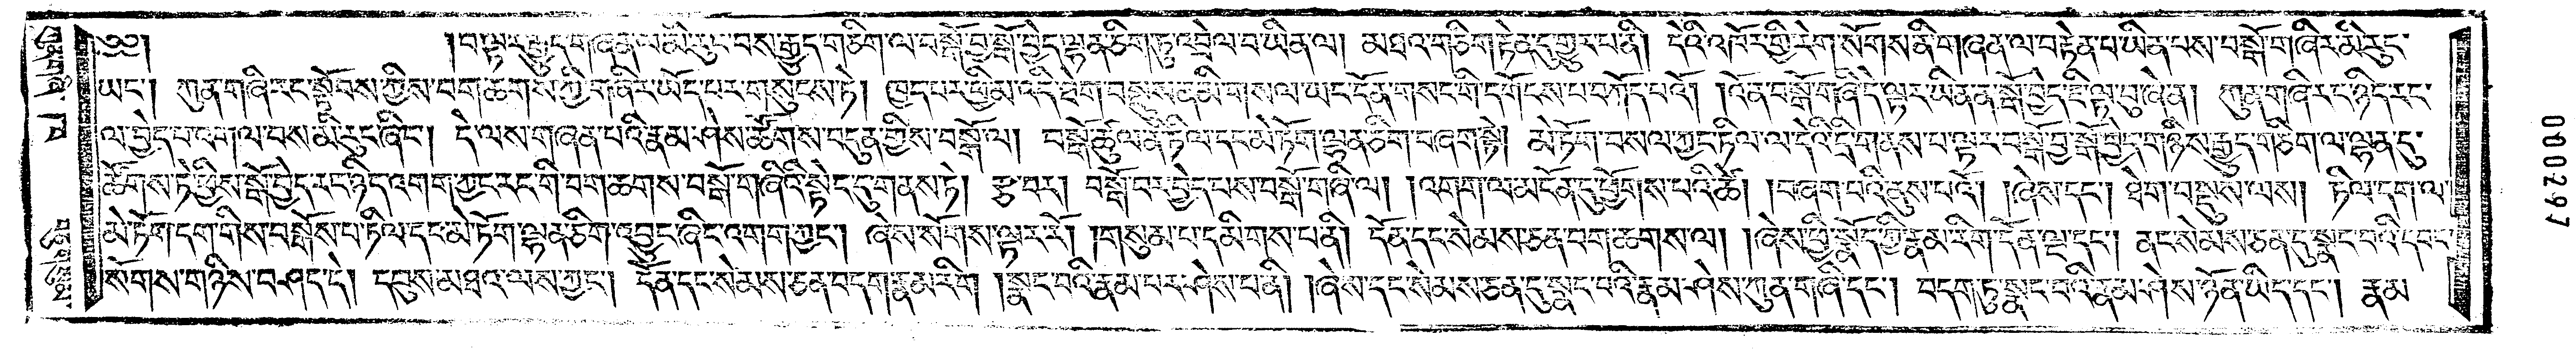༄༅། །བ་ལྟར་རྒྱུད་གཞན་ལ་མི་རུང་བས་རྒྱུད་གཅིག་ལ་བསྒོ་བྱ་སྒོ་བྱེད་ལྷན་ཅིག་ཏུ་འབྲེལ་པ་ཡིན་ལ། མཐའ་གཅིག་རྟེན་དུ་གྱུར་པ་ནི། དེའི་འཁོར་གྱི་རེག་སོགས་ནི་གཞན་ལ་བརྟེན་པ་ཡིན་པས་བསྒོ་གཞིར་མི་རུང་
ཡང་། ཀུན་གཞི་རང་སྟོབས་ཀྱིས་བག་ཆགས་ཀྱི་གཞིར་ཡོད་པར་གསུངས་ཏེ། ཁྱད་པར་ཕྱི་མ་འདི་ཐེག་བསྡུས་ན་མི་གསལ་ཡང་དོན་གསང་གི་དགོངས་པ་བཀོད་པའོ། །འོན་བསྒོ་གཞི་དེ་ལྟར་ཡིན་ན་སྒོ་བྱེད་ཇི་ལྟ་བུ་ཞེ་ན། ཀུན་གཞི་རང་ཉིད་རང་
ལ་བྱེད་པ་འགལ་བས་མི་རུང་ཞིང་། དེ་ལས་གཞན་པའི་རྣམ་ཤེས་ཚོགས་བདུན་གྱིས་བསྒོ་ལ། བསྒོ་ཚུལ་ནི་ཏིལ་དང་མེ་ཏོག་ལྷན་ཅིག་བཞག་སྟེ། མེ་ཏོག་བསལ་ཀྱང་ཏིལ་ལ་དེའི་དྲི་གནས་པ་ལྟར་བསྒོ་བྱ་སྒོ་བྱེད་གཉིས་རྒྱུད་གཅིག་ལ་ལྷན་དུ་
ཚོགས་ཏེ་ཕྱིས་སྒོ་བྱེད་རང་ཉིད་འགག་ཀྱང་རང་གི་བག་ཆགས་བསྒོ་གཞིའི་སྟེང་དུ་གནས་ཏེ། རྩ་བར། བསྒོ་བར་བྱེད་པས་བསྒོ་གཞི་ལ། །འགག་ལ་མངོན་དུ་ཕྱོགས་པའི་ཚེ། །བཞག་པའི་ནུས་པའོ། །ཞེས་དང་། ཐེག་བསྡུས་ལས། ཏིལ་དག་ལ་
མེ་ཏོག་དག་གིས་བསྒོས་བ་ཏིལ་དང་མེ་ཏོག་ལྷན་ཅིག་འབྱུང་ཞིང་འགག་ཀྱང་། ཞེས་སོགས་ལྟར་རོ། །གསུམ་པ་དམིགས་པ་ནི། དོན་དང་སེམས་ཅན་བག་ཆགས་ལ། །ཞེས་ཕྱི་སྣོད་ཀྱི་རྣམ་རིག་དོན་ལྔ་དང་། ནང་སེམས་ཅན་དུ་སྣང་བའི་དབང་
སོགས་གཉིས་བཤད་དེ། དབུས་མཐའ་ལས་ཀྱང་། དོན་དང་སེམས་ཅན་བདག་རྣམ་རིག །སྣང་བའི་རྣམ་པར་ཤེས་བ་ནི། །ཞེས་དང་སེམས་ཅན་དུ་སྣང་བའི་རྣམ་ཤེས་ཀུན་གཞི་དང་། བདག་ཏུ་སྣང་བའི་རྣམ་ཤེས་ཉོན་ཡིད་དང་། རྣམ་